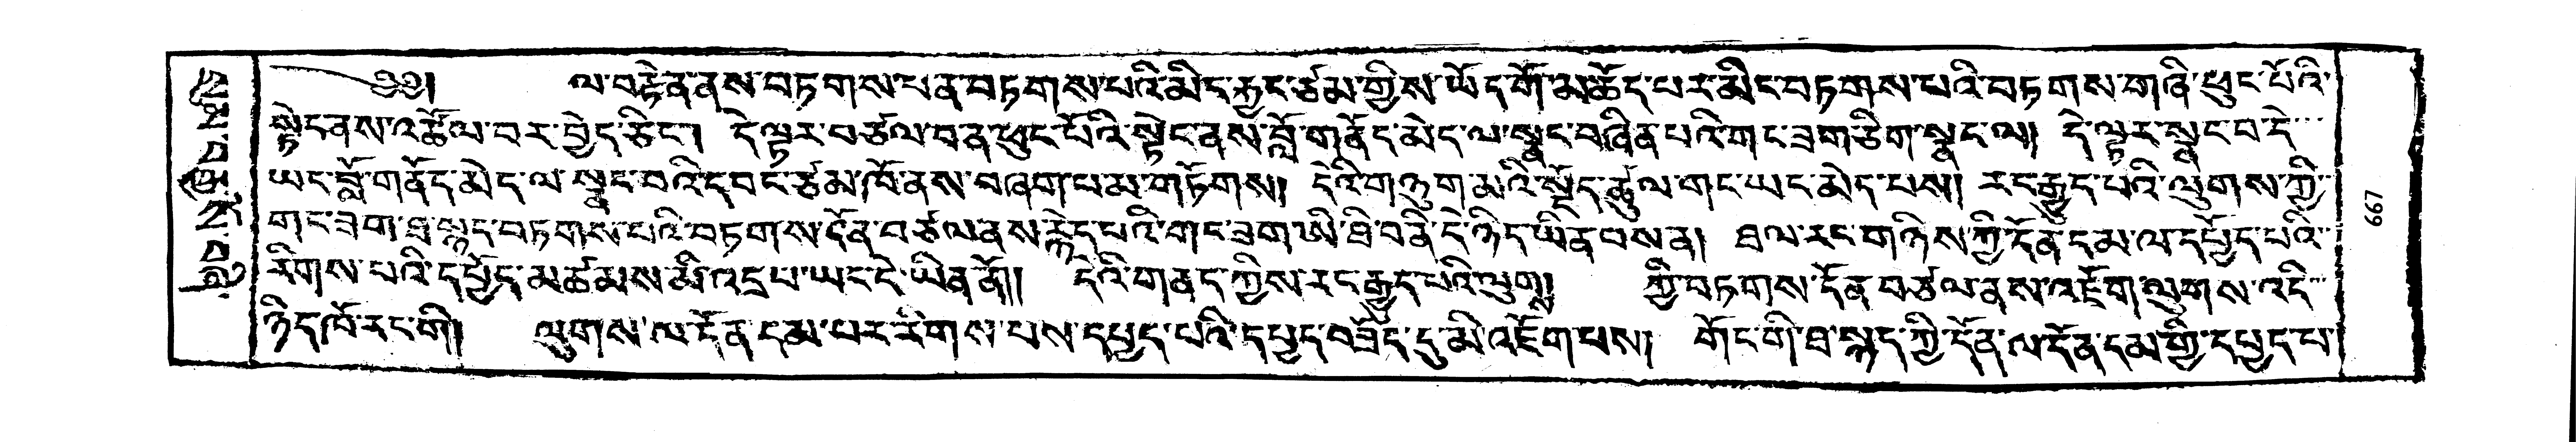༄༅། །ལ་བརྟེན་ནས་བཏགས་པ་ན་བཏགས་པའི་མིང་རྐྱང་ཙམ་གྱིས་ཡོད་གོ་མཆོད་པར་མིང་བཏགས་པའི་བཏགས་གཞི་ཕུང་པོའི་
སྟེང་ནས་འཚོལ་བར་བྱེད་ཅིང་། དེ་ལྟར་བཙལ་བ་ན་ཕུང་པོའི་སྟེང་ནས་བློ་གནོད་མེད་ལ་སྣང་བཞིན་པའི་གང་ཟག་ཅིག་སྣང་ལ། དེ་ལྟར་སྣང་བ་དེ་
ཡང་བློ་གནོད་མེད་ལ་སྣང་བའི་དབང་ཙམ་ཁོ་ནས་བཞག་པ་མ་གཏོགས། དེའི་གཉུག་མའི་སྡོད་ཚུལ་གང་ཡང་མེད་པས། རང་རྒྱུད་པའི་ལུགས་ཀྱི་
གང་ཟག་ཐ་སྙད་བཏགས་པའི་བཏགས་དོན་བཙལ་ནས་རྙེད་པའི་གང་ཟག་ཨི་ཐི་བ་ནི་དེ་ཉིད་ཡིན་པས་ན། ཐལ་རང་གཉིས་ཀྱི་དོན་དམ་ལ་དཔྱོད་པའི་
རིགས་པའི་དཔྱོད་མཚམས་མི་འདྲ་བ་ཡང་དེ་ཡིན་ནོ། །དེའི་གནད་ཀྱིས་རང་རྒྱུད་པའི་ལུགས། ཀྱི་བཏགས་དོན་བཙལ་ནས་འཇོག་ལུགས་འདི་
ཉིད་ཁོ་རང་གི། ལུགས་ལ་དོན་དམ་པར་རིགས་པས་དཔྱད་པའི་དཔྱད་བཟོད་དུ་མི་འཇོག་པས། གོང་གི་ཐ་སྙད་ཀྱི་དོན་ལ་དོན་དམ་གྱི་དཔྱད་པ་